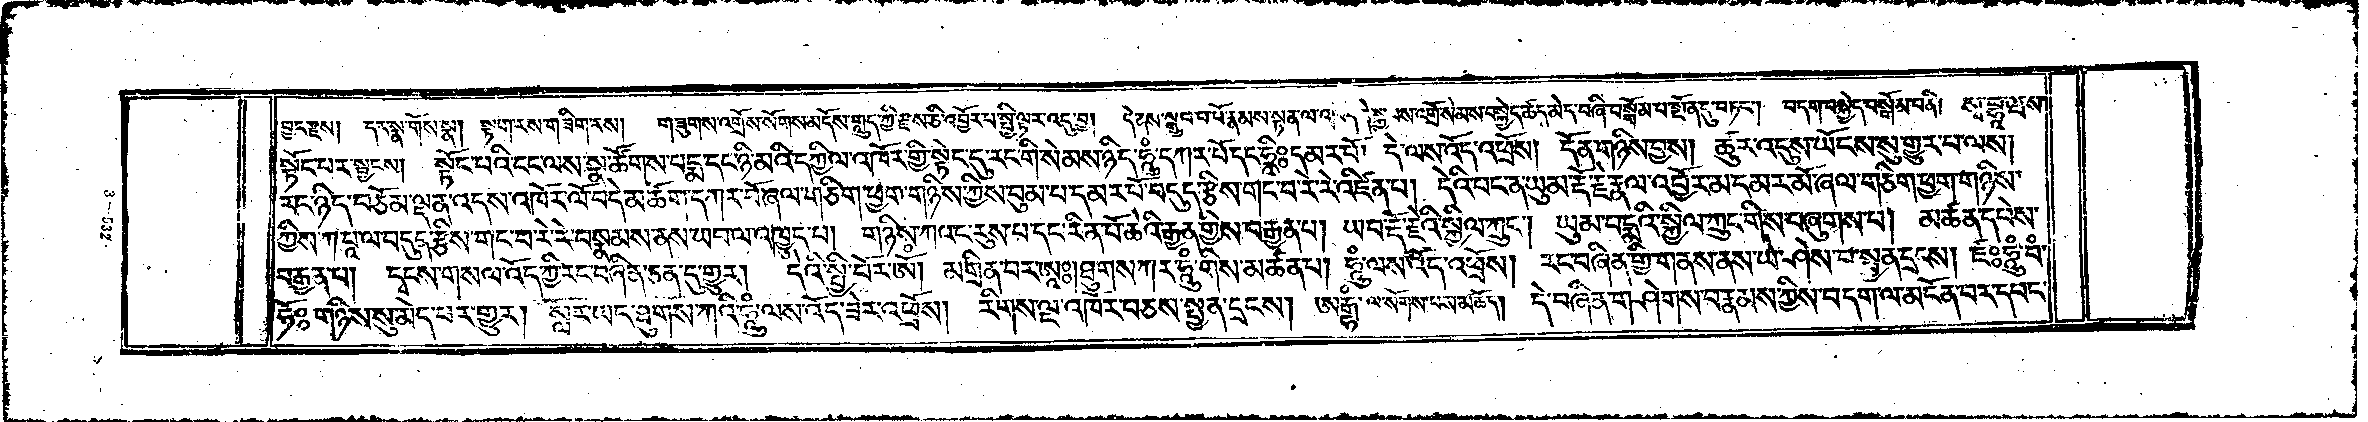བྱང་རྫས། དར་སྣ་གོས་སྣ། སྟག་རས་གཟིག་རས། གཟུགས་འགྲོས་སོགས་མདོས་གླུད་ཀྱི་རྫས་ཅི་འབྱོར་པ་སྤྱི་ལྟར་འདུ་བྱ། དེ་ནས་སྒྲུབ་པ་པོ་རྣམས་སྟན་ལ་འཁོད་དེ་སྐྱབས་འགྲོ་སེམས་བསྐྱེད་ཚད་མེད་བཞི་བསྒོམ་པ་སྔོན་དུ་བཏང་། བདག་བསྐྱེད་བསྒོམ་པ་ནི། སྭབྷཱ་ཝས་
སྟོང་པར་སྦྱངས། སྟོང་པའི་ངང་ལས་སྣ་ཚོགས་པདམ་དང་ཉི་མའི་དཀྱིལ་འཁོར་གྱི་སྟེང་དུ་རང་གི་སེམས་ཉིད་ཧཱུཾ་དཀར་པོ་དང་ཧྲཱིཿདམར་པོ། དེ་ལས་འོད་འཕྲོས། དོན་གཉིས་བྱས། ཚུར་འདུས་ཡོངས་སུ་གྱུར་པ་ལས།
རང་ཉིད་བཅོམ་ལྡན་འདས་འཁོར་ལོ་བདེ་མཆོག་དཀར་པོ་ཞལ་གཅིག་ཕྱག་གཉིས་ཀྱིས་བུམ་པ་དམར་པོ་བདུད་རྩིས་གང་བ་རེ་རེ་འཛིན་པ། དེའི་བང་ན་ཡུམ་རྡོ་རྗེ་རྣལ་འབྱོར་མ་དམར་མོ་ཞལ་གཅིག་ཕྱག་གཉིས་
ཀྱིས་ཀ་པཱ་ལ་བདུད་རྩིས་གང་བ་རེ་རེ་བསྣམས་ནས་ཡབ་ལ་འཁྱུད་པ། གཉིས་ཀའང་རུས་པ་དང་རིན་པོ་ཆེའི་རྒྱན་གྱིས་བརྒྱན་པ། ཡབ་རྡོ་རྗེའི་སྐྱིལ་ཀྲུང་། ཡུམ་པདམའི་སྐྱིལ་ཀྲུང་གིས་བཞུགས་པ། མཚན་དཔེས་
བརྒྱན་པ། དྭངས་གསལ་འོད་ཀྱི་རང་བཞིན་ཅན་དུ་གྱུར། དེའི་སྤྱི་བོར་ཨོཾ། མགྲིན་བར་ཨཱཿ། ཐུགས་ཀར་ཧཱུཾ་གིས་མཚན་པ། ཧཱུཾ་ལས་འོད་འཕྲོས། རང་བཞིན་གྱི་གནས་ནས་ཡེ་ཤེས་པ་སྤྱན་དྲངས། ཛཿཧཱུཾ་བཾ་
ཧོཿགཉིས་སུ་མེད་པར་གྱུར། སླར་ཡང་ཐུགས་ཀའི་ཧཱུཾ་ལས་འོད་ཟེར་འཕྲོས། རིགས་ལྔ་འཁོར་བཅས་སྤྱན་དྲངས། ཨརྒྷཾ་ལ་སོགས་པས་མཆོད།  དེ་བཞིན་གཤེགས་པ་རྣམས་ཀྱིས་བདག་ལ་མངོན་པར་དབང་